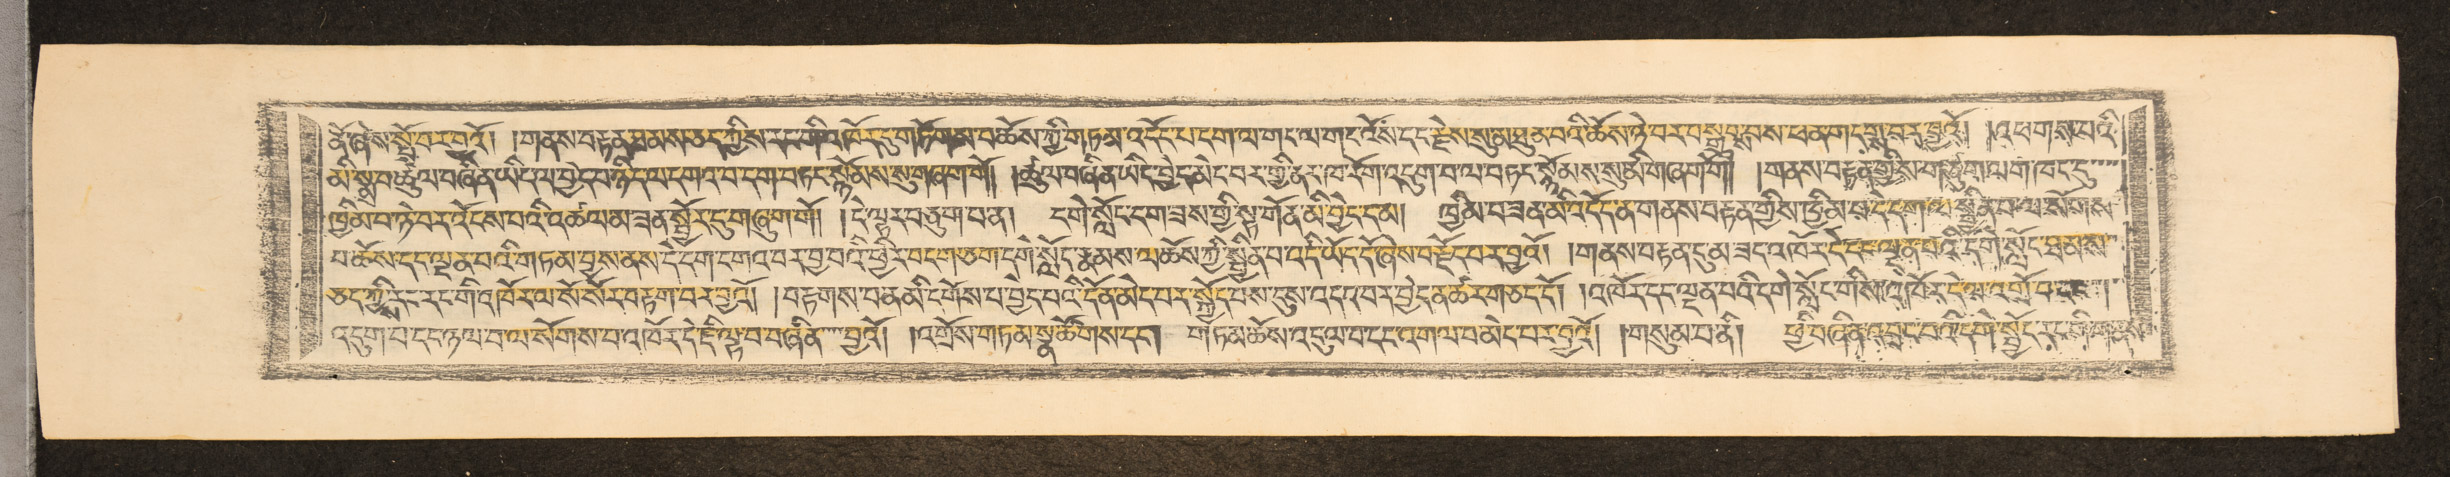ནོ་ཞེས་སྤྲོ་བར་བྱའོ། །གནས་བརྟན་ཐམས་ཅད་ཀྱིས་རང་གི་འཁོར་དུ་གཏོགས་པ་ཆོས་ཀྱི་གཏམ་འདོད་པ་དག་ལ་གང་ལ་གང་འོས་དང་རྗེས་སུ་མཐུན་པའི་ཆོས་ཉེ་བར་བསྒྲུབས་པས་ཕན་གདགས་པར་བྱའོ། །འཕགས་པའི་
མི་སྨྲ་བ་ཚུལ་བཞིན་ཡིད་ལ་བྱེད་པ་ཉིད་ལ་དགའ་བ་དག་བཏང་སྙོམས་སུ་གཞག་གོ། །ཚུལ་བཞིན་ཡིད་བྱེད་མེད་པར་གྱི་ནར་ཁ་རོག་འདུག་པ་ལ་བཏང་སྙོམས་སུ་མི་གཞག་གོ། །གནས་བརྟན་གྱིས་གཙུག་ལག་ཁང་དུ་
ཁྱིམ་པ་ཉེ་བར་འོངས་པའི་འཚལ་མ་ཟན་སྦྱོར་དུ་གཞུག་གོ། །དེ་ལྟར་བཅུག་པ་ན། དགེ་སློང་དག་ཟས་ཀྱི་སྟ་གོན་མི་བྱེད་དམ། ཁྱིམ་པ་ཟན་མི་འདོད་ན་གནས་བརྟན་གྱིས་ཁྱིམ་པ་དེ་དག་ལ་སྦྱིན་པ་ལ་སོགས་
པ་ཆོས་དང་ལྡན་པའི་གཏམ་བྱས་ནས་དེ་དག་དགའ་བར་བྱ་བའི་ཕྱིར་བདག་ཅག་དགེ་སློང་རྣམས་ལ་ཆོས་ཀྱི་སྦྱིན་པ་འདི་ཡོད་དོ་ཞེས་བརྗོད་པར་བྱའོ། །གནས་བརྟན་དུ་མ་ཟད་འཁོར་དེ་དང་ལྡན་པའི་དགེ་སློང་ཐམས་
ཅད་ཀྱི་རང་རང་གི་འཁོར་ལ་སོ་སོར་བརྟག་པར་བྱའོ། །བརྟགས་པ་ན་མི་དགོས་པ་བྱེད་པའི་དོན་མེད་པར་སྤྱོད་པས་དུས་འདའ་བར་བྱེད་ན་ཚར་གཅད་དོ། །འཁོར་དང་ལྡན་པའི་དགེ་སློང་གིས་འཁོར་དེ་ལ་འགྲོ་བ་དང་།
འདུག་པ་དང་ཉལ་བ་ལ་སོགས་པ་འཁོར་དེ་ཇི་ལྟ་བ་བཞིན་བྱའོ། །འཕྲོས་གཏམ་སྣ་ཚོགས་དང་། གཏམ་ཆོས་འདུལ་བ་དང་འགལ་བ་མེད་པར་བྱའོ། །གསུམ་པ་ནི། ཕྱི་བཞིན་འབྲང་བའི་དགེ་སྦྱོང་རང་གི་གནས་